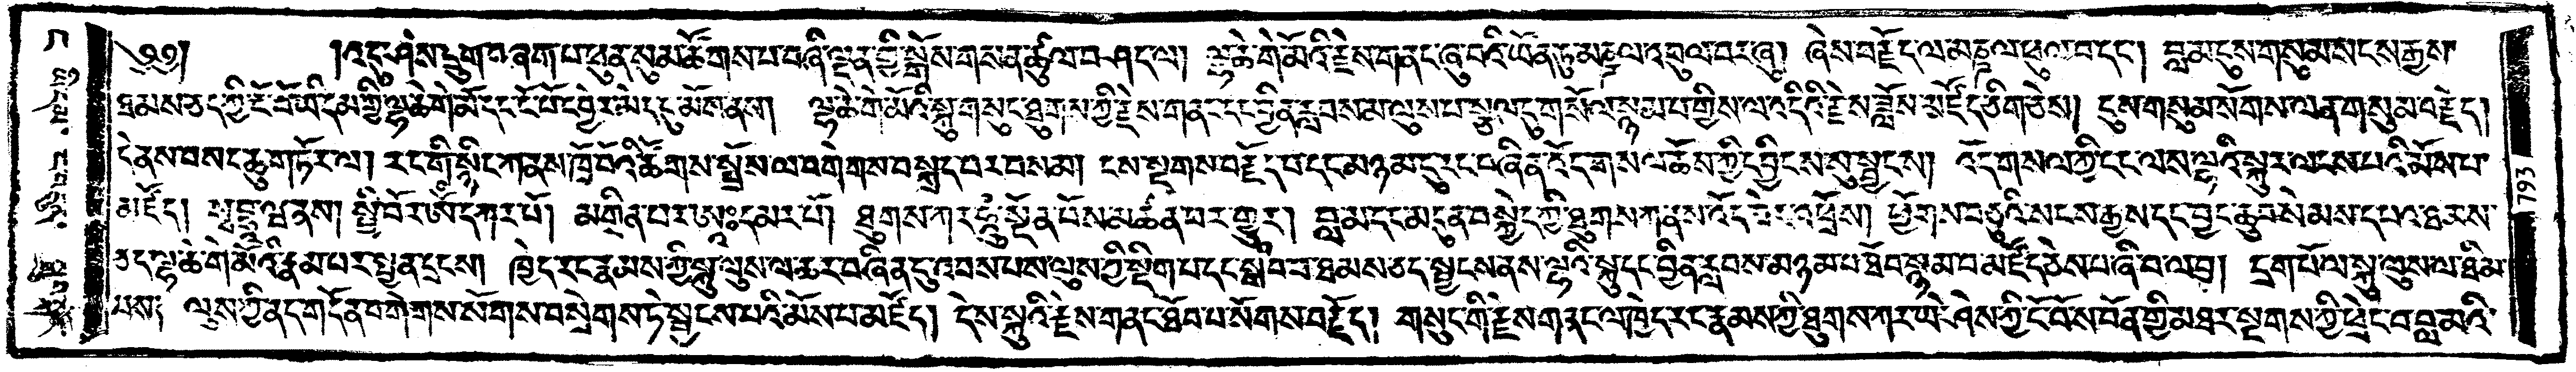༄༅། །འདུ་ཤེས་དྲུག་བཞག་པ་ཕུན་སུ་མཚོགས་པ་བཞི་ལྡན་གྱི་སྒོས་གསན་ཚུལ་བཤད་ལ། ལྷ་ཆེ་གེ་མོའི་རྗེས་གནང་ཞུ་བའི་ཡོན་ཏུ་མཎྜལ་འབུལ་བར་ཞུ། ཞེས་བརྗོད་ལ་མཎྜལ་ཕུལ་བ་དང་། བླ་མ་དུས་གསུམ་སངས་རྒྱས་
ཐམས་ཅད་ཀྱི་ངོ་བོ་ཡི་དམ་གྱི་ལྷ་ཆེ་གེ་མོ་དང་ངོ་བོ་དབྱེར་མེད་དུ་མོས་ནས། ལྷ་ཆེ་གེ་མོའི་སྐུ་གསུང་ཐུགས་ཀྱི་རྗེས་གནང་དང་བྱིན་རླབས་མ་ལུས་པ་སྩལ་དུ་གསོལ་སྙམ་པ་གྱིས་ལ་འདིའི་རྗེས་ཟློས་མཛོད་ཅིག་ཅེས། དུས་གསུམ་སོགས་ལན་གསུམ་བརྗོད།
དེ་ནས་བསང་ཆུ་གཏོར་ལ། རང་གི་སྙིང་ཀ་ནས་ཁོར་བོའི་ཚོགས་སྤྲོས་ལ་བགེགས་བསྐྲད་པར་བསམ། ངས་སྔགས་བརྗོད་པ་དང་མཉམ་དུ་རང་བཞིན་འོད་གསལ་ཆོས་ཀྱི་དབྱིངས་སུ་སྦྱངས། འོད་གསལ་ཀྱི་ངང་ལས་ལྷའི་སྐུར་ལངས་པའི་མོས་པ་
མཛོད། སྭ་བྷཱ་ཝ་ནས། སྤྱི་བོར་ཨོཾ་དཀར་པོ། མགྲིན་པར་ཨཱཿ དམར་པོ། ཐུགས་ཀར་ཧཱུཾ་སྔོན་པོས་མཚན་པར་གྱུར། བླ་མ་དང་མདུན་བསྐྱེད་ཀྱི་ཐུགས་ཀ་ནས་འོད་ཟེར་འཕྲོས། ཕྱོགས་བཅུའི་སངས་རྒྱས་དང་བྱང་ཆུབ་སེམས་དཔའ་ཐམས་
ཅད་ལྷ་ཆེ་གེ་མོའི་རྣམ་པར་སྤྱན་དྲངས། ཁྱེད་རང་རྣམས་ཀྱི་སྐུ་ལུས་ལ་ཆར་བཞིན་དུ་བབས་པས་ལུས་ཀྱི་སྡིག་པ་དང་སྒབ་པ་ཐམས་ཅད་སྦྱངས་ནས་ལྷའི་སྐུ་དང་བྱིན་རླབས་མཉམ་པ་ཐོབ་སྙམ་པ་མཛོད་ཅེས་པ་ཞི་བ་ལ་བྱ། དྲག་པོ་ལ་སྐུ་ལུས་ལ་ཐིམ་
པས༑ ལུས་ཀྱི་ནད་གདོན་བགེགས་སོགས་བསྲེགས་ཏེ་སྦྱངས་པའི་མོས་པ་མཛོད། དེས་སྐུའི་རྗེས་གནང་ཐོབ་པ་སོགས་བརྗོད། གསུང་གི་རྗེས་གནང་ལ་ཁྱེད་རང་རྣམས་ཀྱི་ཐུགས་ཀར་ཡེ་ཤེས་ཀྱི་ངོ་བོ་ས་བོན་གྱི་མཐར་སྔགས་ཀྱི་ཕྲེང་བ་བླ་མའི་